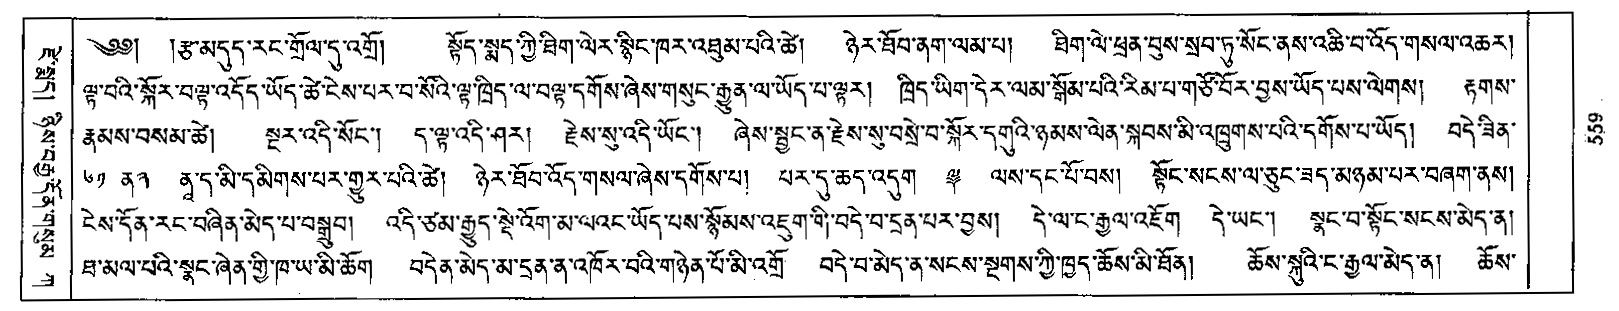༄༅། །རྩ་མདུད་རང་གྲོལ་དུ་འགྲོ། སྟོད་སྨད་ཀྱི་ཐིག་ལེར་སྙིང་ཁར་འཐུམ་པའི་ཚེ། ཉེར་ཐོབ་ནག་ལམ་པ། ཐིག་ལེ་ཕྲན་བུས་སྲབ་ཏུ་སོང་ནས་འཆི་བ་འོད་གསལ་འཆར།
ལྟ་བའི་སྐོར་བལྟ་འདོད་ཡོད་ཚེ་ངེས་པར་བ་སོའི་ལྟ་ཁྲིད་ལ་བལྟ་དགོས་ཞེས་གསུང་རྒྱུན་ལ་ཡོད་པ་ལྟར། ཁྲིད་ཡིག་དེར་ལམ་སྒོམ་པའི་རིམ་པ་གཙོ་བོར་བྱས་ཡོད་པས་ལེགས། རྟགས་
རྣམས་བསམ་ཚེ། སྔར་འདི་སོང་། ད་ལྟ་འདི་ཤར། རྗེས་སུ་འདི་ཡོང་། ཞེས་སྦྱང་ན་རྗེས་སུ་བསྲེ་བ་སྐོར་དགུའི་ཉམས་ལེན་སྐབས་མི་འཁྲུགས་པའི་དགོས་པ་ཡོད། བདེ་ཟིན་
༦༡་ན ༢་ནཱ་ད་མི་དམིགས་པར་གྱུར་པའི་ཚེ། ཉེར་ཐོབ་འོད་གསལ་ཞེས་དགོས་པ། པར་དུ་ཆད་འདུག ༈ ལས་དང་པོ་བས། སྟོང་སངས་ལ་ཅུང་ཟད་མཉམ་པར་བཞག་ནས།
ངེས་དོན་རང་བཞིན་མེད་པ་བསྒྲུབ། འདི་ཙམ་རྒྱུད་སྡེ་འོག་མ་ལའང་ཡོད་པས་སྙོམས་འཇུག་གི་བདེ་བ་དྲན་པར་བྱས། དེ་ལ་ང་རྒྱལ་འཇོག་དེ་ཡང་། སྣང་བ་སྟོང་སངས་མེད་ན།
ཐ་མལ་པའི་སྣང་ཞེན་གྱི་ཁ་ཡ་མི་ཆོག་བདེན་མེད་མ་དྲན་ན་འཁོར་བའི་གཉེན་པོ་མི་འགྲོ་བདེ་བ་མེད་ན་སངས་སྔགས་ཀྱི་ཁྱད་ཆོས་མི་ཐོན། ཆོས་སྐུའི་ང་རྒྱལ་མེད་ན། ཆོས་